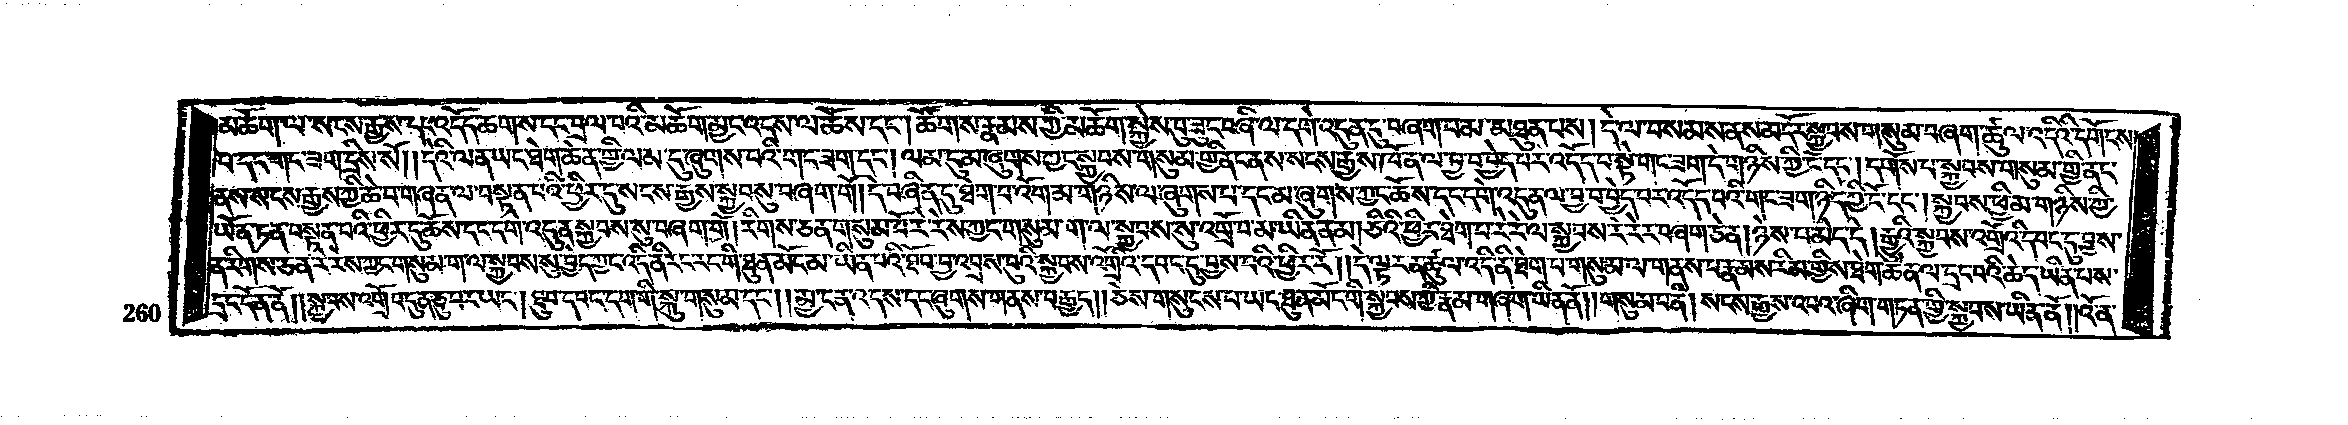མཆོག་ལ་སངས་རྒྱས་དང་འདོད་ཆགས་དང་བྲལ་བའི་མཆོག་མྱང་འདས་ལ་ཆོས་དང་། ཚོགས་རྣམས་ཀྱི་མཆོག་སྐྱེས་བུ་ཟུང་བཞི་ལ་དགེ་འདུན་དུ་བཞག་པ་མ་མཐུན་པས། དེ་ལ་བསམས་ནས་མདོར་སྐྱབས་གསུམ་བཞག་ཚུལ་འདིའི་དགོངས་
པ་དང་གང་ཟག་དྲིས་སོ། །དེའི་ལན་ཡང་ཐེག་ཆེན་གྱི་ལམ་དུ་ཞུགས་པའི་གང་ཟག་དང་། ལམ་དུ་མ་ཞུགས་ཀྱང་སྐྱབས་གསུམ་གྱི་ནང་ནས་སངས་རྒྱས་ཁོ་ན་ལ་བྱ་བ་བྱེད་པར་འདོད་པ་སྟེ་གང་ཟག་དེ་གཉིས་ཀྱི་ངོ་དང་། དགོས་པ་སྐྱབས་གསུམ་གྱི་ནང་
ནས་སངས་རྒྱས་ཀྱི་ཆེ་བ་གཞན་ལ་བསྟན་པའི་ཕྱིར་དུ་སངས་རྒྱས་སྐྱབས་སུ་བཞག་གོ །དེ་བཞིན་དུ་ཐེག་པ་འོག་མ་གཉིས་ལ་ཞུགས་པ་དང་མ་ཞུགས་ཀྱང་ཆོས་དང་དགེ་འདུན་ལ་བྱ་བ་བྱེད་པར་འདོད་པའི་གང་ཟག་ཉིད་ཀྱི་ངོ་དང་། སྐྱབས་ཕྱི་མ་གཉིས་ཀྱི་
ཡོན་ཏན་བསྟན་པའི་ཕྱིར་དུ་ཆོས་དང་དགེ་འདུན་སྐྱབས་སུ་བཞག་གོ །རིགས་ཅན་གསུམ་པོ་རེ་རེས་ཀྱང་གསུམ་གང་ལ་སྐྱབས་སུ་འགྲོ་བ་མ་ཡིན་ནམ། ཅིའི་ཕྱིར་ཐེག་པ་རེ་རེ་ལ་སྐྱབས་རེ་རེར་བཞག་ཅེ་ན། ཉེས་པ་མེད་དེ། རྒྱུའི་སྐྱབས་འགྲོའི་དབང་དུ་བྱས་
ན་རིགས་ཅན་རེ་རེས་ཀྱང་གསུམ་ག་ལ་སྐྱབས་སུ་བྱེད་ཀྱང་འདི་ནི་རང་རང་གི་ཐུན་མོང་མ་ཡིན་པའི་ཐོབ་བྱ་འབྲས་བུའི་སྐྱབས་འགྲོའི་དབང་དུ་བྱས་པའི་ཕྱིར་རོ། །དེ་ལྟར་ན་ཚུལ་འདི་ནི་ཐེག་པ་གསུམ་ལ་གནས་པ་རྣམས་རིམ་གྱིས་ཐེག་ཆེན་ལ་དྲང་བའི་ཆེད་ཡིན་པས་
དྲང་དོན་ནོ། །སྐྱབས་འགྲོ་བདུན་ཅུ་པར་ཡང་། ཐུབ་དབང་དག་གི་སྐུ་གསུམ་དང་། །མྱ་ངན་འདས་དང་ཞུགས་གནས་བརྒྱད། །ཅེས་གསུངས་པ་ཡང་ཐུན་མོང་གི་སྐྱབས་ཀྱི་རྣམ་གཞག་ཡིན་ནོ། །གསུམ་པ་ནི། སངས་རྒྱས་འབའ་ཞིག་གཏན་གྱི་སྐྱབས་ཡིན་ནོ། །འོ་ན་